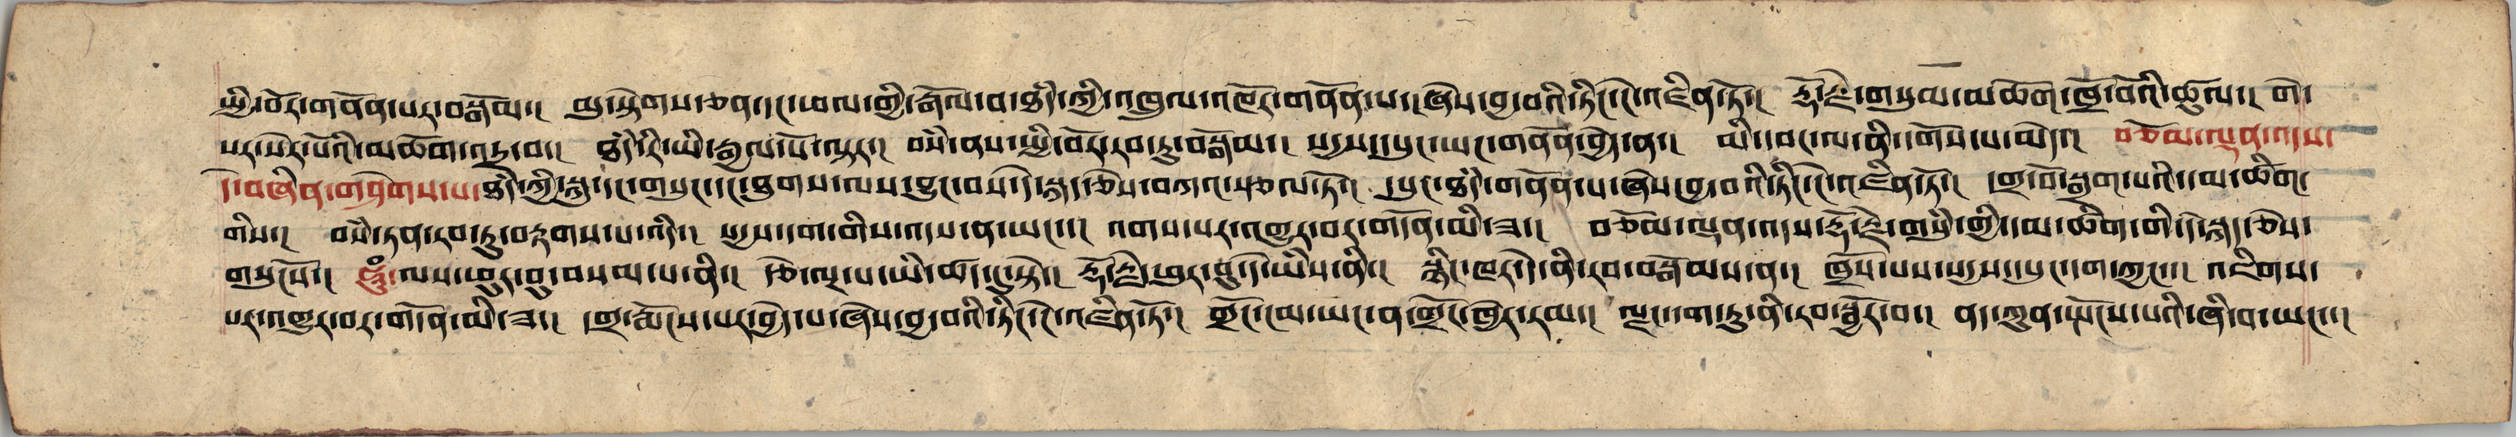སྤྱི་བོར་གནོན་པར་བསྒོམ་། མུ་སྟེགས་ཅན་དང་ཕལ་གྱི་རྒོལ་བ་ཐཾད་ཀྱི་འཁྲུལ་འཁོར་གནོན་པ་ཞེས་བྱ་བའི་ཏིང་ངེ་འཛིན་ཏོ་། རྡོ་རྗེ་གསུམ་མཆོག་ཁྲོ་བོའི་ཚུལ་། གེ་
སར་སེར་པོའི་མཆོག་འདྲ་བ་། ཐཾད་རི་ཡི་རྒྱལ་པོ་ལྟར་། བསཾ་ནས་སྤྱི་བོར་རབ་ཏུ་བསྒོམ་། སདྱས་དཔུང་ཡང་གནོན་བྱེད་ན་། མི་དབང་ལ་ནི་དགོས་པ་མེད་། བཅོམ་ལྡན་འདས་
དེ་བཞིན་གཤེགས་པ་ཐཾད་ཀྱི་སྐུ་དང་གསུང་དང་ཐུགས་ལས་བྱུང་བས་དེ་སྐད་ཅེས་བཀའ་སྩལ་ཏོ་། དཔུང་ཐཾད་གནོན་པ་ཞེས་བྱ་བའི་ཏིང་ངེ་འཛིན་ཏོ་། དགྲ་བོ་སྒྲག་པའི་དམ་ཚིག་
གིས་། བསཾ་ཏན་རབ་ཏུ་བརྟགས་པ་འདི་། སདྱས་དག་གིས་འདས་ན་ཡང་་། འགས་པར་འགྱུར་བར་གདོན་མི་ཟ་། བཅོམ་ལྡན་འདས་རྡོ་རྗེ་གསུཾ་གྱི་དམ་ཚིག་གི་དེ་སྐད་ཅེས་
གསུངསོ་། ཧཱུཾ་ལས་ཕུར་བུ་བསམ་པ་ནི་། རྩེ་ལྔ་པ་ཡི་ཚད་དུ་སྟེ་། རྡོ་རྗེ་ཕུར་བུ་དེ་ཡིས་ནི་། སྙིང་ཁར་དེ་ནི་རབ་བསྒོམས་ན་། ཁྲོས་པས་སདྱས་དཔུང་དག་ཀྱང་་། འཇིགས་
པར་འགྱུར་བར་གདོན་མི་ཟ་། དགྲ་རྨོངས་པར་བྱེད་པ་ཞེས་བྱ་བའི་ཏིང་ངེ་འཛིན་ཏོ་། གྲོང་ངམ་ཡང་ན་གྲོང་ཁྱེར་རམ་། ལྗང་དག་ཏུ་ནི་རབ་སྦྱོར་བ་། ནད་ཀུན་སྤོངས་པའི་ཞི་བ་ཡང་་།